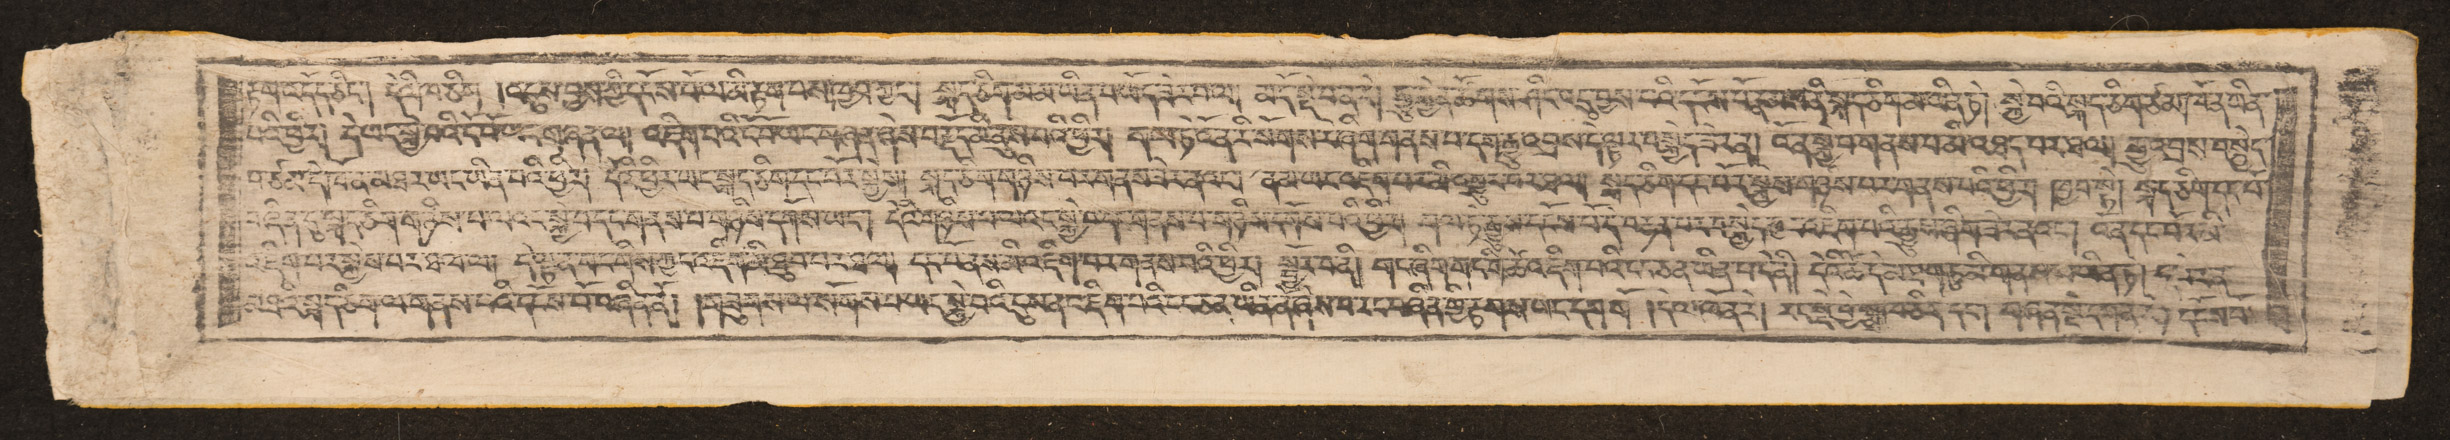རྟག་འདོད་ཅིང་། དེའི་ཁ་ཅིག །འདུས་བྱས་ཀྱི་དངོས་པོ་ལ་མི་རྟག་པས་ཁྱབ་ཀྱང་། སྐད་ཅིག་མམ་ཡིན་པ་ཡོད་ཟེར་བ་ལ། མདོ་སྡེ་བ་ན་རེ། རྒྱུ་རྐྱེན་ཚོགས་ཤིང་འདུ་བྱས་བའི་དངོས་པོ་རྣམས་ནི་སྐད་ཅིག་མ་ཡིན་ཏེ། སྐྱེ་བའི་སྐད་ཅིག་ཙམ་ཁོ་ན་ཡིན་
པའི་ཕྱིར། དེ་ཡང་སྐྱེ་བའི་ངོ་བོ་ཡང་གཞན་ལ། འཇིག་པའི་ངོ་བོ་ཡང་གཞན་ཞེས་བརྗོད་མི་ནུས་པའི་ཕྱིར། གལ་ཏེ་འོན་རི་སོགས་རེ་ཞིག་གནས་པ་དག་རྒྱུ་འབྲས་དེ་ལྟར་བསྐྱེད་ཟེར་ན། འོ་ན་སྐྱེ་བ་གནས་པ་མི་འཐད་པར་ཐལ། རྒྱུ་འབྲས་བསྐྱེད་
པ་ཙམ་དེ་ཁོ་ན་མཐར་ཡང་ཡིན་པའི་ཕྱིར། དེའི་ཕྱིར་ཡང་སྐད་ཅིག་དང་པོར་སྐྱེས། སྐད་ཅིག་གཉིས་པར་གནས་ཟེར་ནའང་། ནམ་ཡང་འཇིག་པར་མི་འགྱུར་བར་ཐལ། སྐད་ཅིག་དང་བོར་སྐྱེས་གཉིས་བར་གནས་པའི་ཕྱིར། ཁྱབ་སྟེ། སྐད་ཅིག་དང་པོ་
བཞིན་དུ་སྐད་ཅིག་གཉིས་པ་ལའང་སྐྱེ་བ་དང་གནས་པ་གཉིས་དགོས་ཡང་། དེའི་གཉིས་པ་ལའང་སྐྱེ་བ་དང་གནས་པ་གཉིས་དགོས་པའི་ཕྱིར། གལ་ཏེ་རྒྱུས་དངོས་པོ་དེ་བརྟན་པ་རང་སྐྱེད་ཀྱང་འཇིག་པའི་རྒྱུས་ཞིག་ཟེར་ནའང་། འོ་ན་དང་པོར་མི་
འཇིག་པར་སྐྱེས་པར་ཐལ་ལ། དེ་ལྟ་ན་གང་གིས་ཀྱང་འཇིག་མི་ཐུབ་པར་ཐལ། དང་པོ་ནས་མི་འཇིག་པར་གནས་པའི་ཕྱིར། སྦྱོར་བ་ནི། གང་ཞིག་གང་གི་ཚེ་འཇིག་པའི་ངང་ཅན་ཡིན་པ་དེ་ནི། དེའི་ཚེ་དེ་མ་ཐག་ཏུ་མི་གནས་པ་ཡིན་ཏེ། དཔེར་ན་
མཐའི་སྐད་ཅིག་ལ་གནས་པའི་དངོས་པོ་བཞིན་ནོ། །གཟུགས་ལ་སོགས་པ་ཡང་སྐྱེ་བའི་དུས་ན་འཇིག་པའི་དད་ཅན་ཡིན་ནོ་ཞེས་པ་རང་བཞིན་གྱི་རྟགས་ཡང་དག་གོ །དེ་ལ་ཁོན་རེ། རང་སྡེ་བྱེ་སྨྲ་ཁ་ཅིག་དང་། གཞན་སྡེ་དག་ན་རེ། དངོས་པོ་